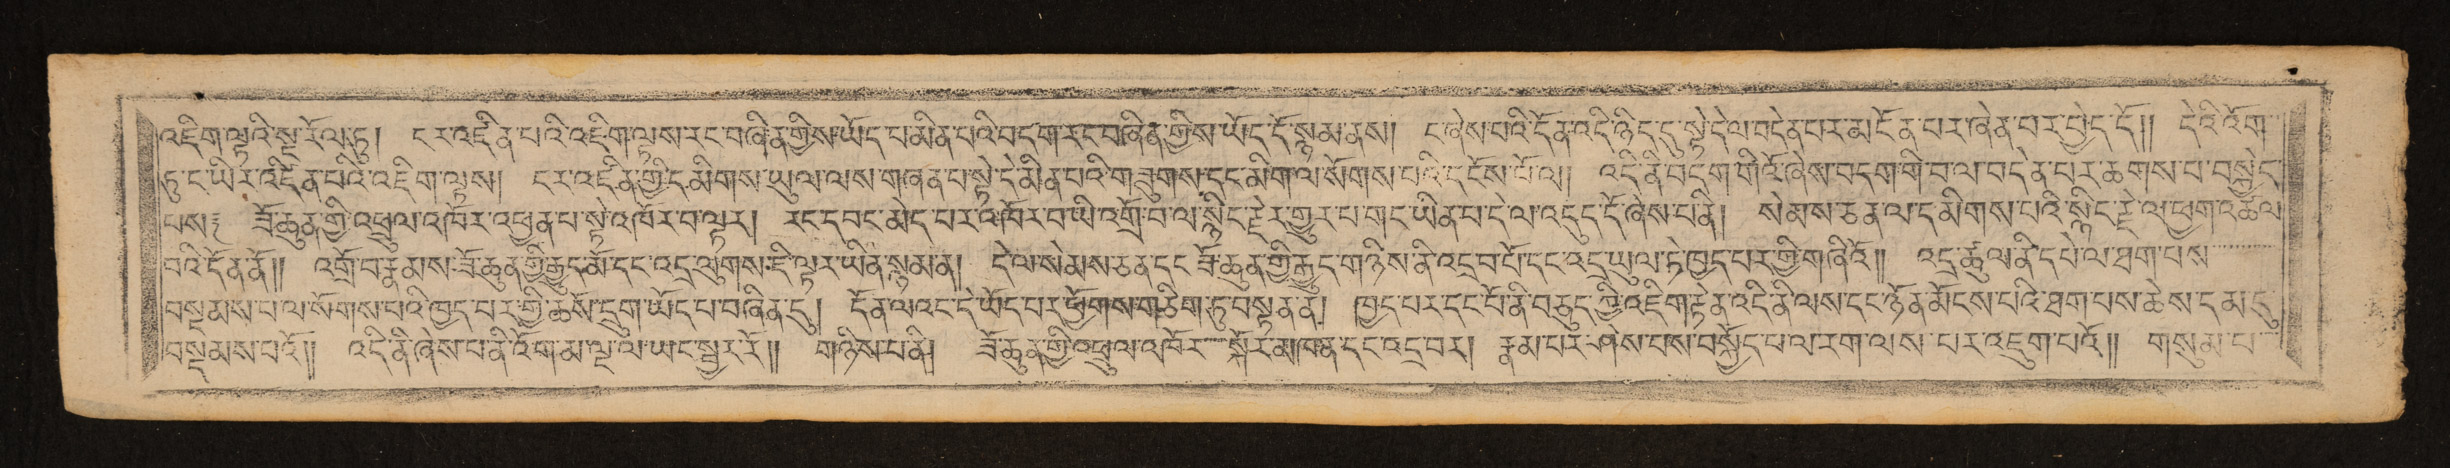འཇིག་ལྟའི་སྔ་རོལ་ཏུ། ངར་འཛིན་པའི་འཇིག་ལྟས་རང་བཞིན་གྱིས་ཡོད་པ་མིན་པའི་བདག་རང་བཞིན་གྱིས་ཡོད་དོ་སྙམ་ནས། ང་ཞེས་པའི་དོན་འདི་ཉིད་དུ་སྟེ་དེ་ལ་བདེན་པར་མངོན་པར་ཞེན་པར་བྱེད་དོ།། དེའི་འོག་
ཏུ་ང་ཡིར་འཛིན་པའི་འཇིག་ལྟས། ངར་འཛིན་གྱི་དམིགས་ཡུལ་ལས་གཞན་པ་སྟེ་དེ་མིན་པའི་གཟུགས་དང་མིག་ལ་སོགས་པའི་དངོས་པོ་ལ། འདི་ནི་བདག་གིའོ་ཞེས་བདག་གི་བ་ལ་བདེན་པར་ཆགས་པ་བསྐྱེད་
པས༑ ཟོ་ཆུན་གྱི་འཕྲུལ་འཁོར་འཕྱན་པ་སྟེ་འཁོར་བ་ལྟར། རང་དབང་མེད་པར་འཁོར་བ་ཡི་འགྲོ་བ་ལ་སྙིང་རྗེར་གྱུར་པ་གང་ཡིན་པ་དེ་ལ་འདུད་དོ་ཞེས་པ་ནི། སེམས་ཅན་ལ་དམིགས་པའི་སྙིང་རྗེ་ལ་ཕྱག་འཚལ་
བའི་དོན་ནོ།། འགྲོ་པ་རྣམས་ཟོ་ཆུན་གྱི་རྒྱུད་མོ་དང་འདྲ་ལུགས་ཇི་ལྟར་ཡིན་སྙམ་ན། དེ་ལ་སེམས་ཅན་དང་ཟོ་ཆུན་གྱི་རྒྱུད་གཉིས་ནི་འདྲ་བ་པོ་དང་འདྲ་ཡུལ་ཏེ་ཁྱད་པར་གྱི་གཞིའོ།། འདྲ་ཚུལ་ནི་དཔེ་ལ་ཐག་པས་
བསྡམས་པ་ལ་སོགས་པའི་ཁྱད་པར་གྱི་ཆོས་དྲུག་ཡོད་པ་བཞིན་དུ། དོན་ལའང་དེ་ཡོད་པར་ཕྱོགས་གཅིག་ཏུ་བསྟན་ན། ཁྱད་པར་དང་པོ་ནི་བཅུད་ཀྱི་འཇིག་རྟེན་འདི་ནི་ལས་དང་ཉོན་མོངས་པའི་ཐག་པས་ཆེས་དམ་དུ་
བསྡམས་པའོ།། འདི་ནི་ཞེས་པ་ནི་འོག་མ་ལྔ་ལ་ཡང་སྦྱར་རོ།། གཉིས་པ་ནི། ཟོ་ཆུན་གྱི་འཕྲུལ་འཁོར་བསྐོར་མཁན་དང་འདྲ་བར། རྣམ་པར་ཤེས་པས་བསྐྱོད་པ་ལ་རག་ལས་པར་འཇུག་པའོ།། གསུམ་པ་